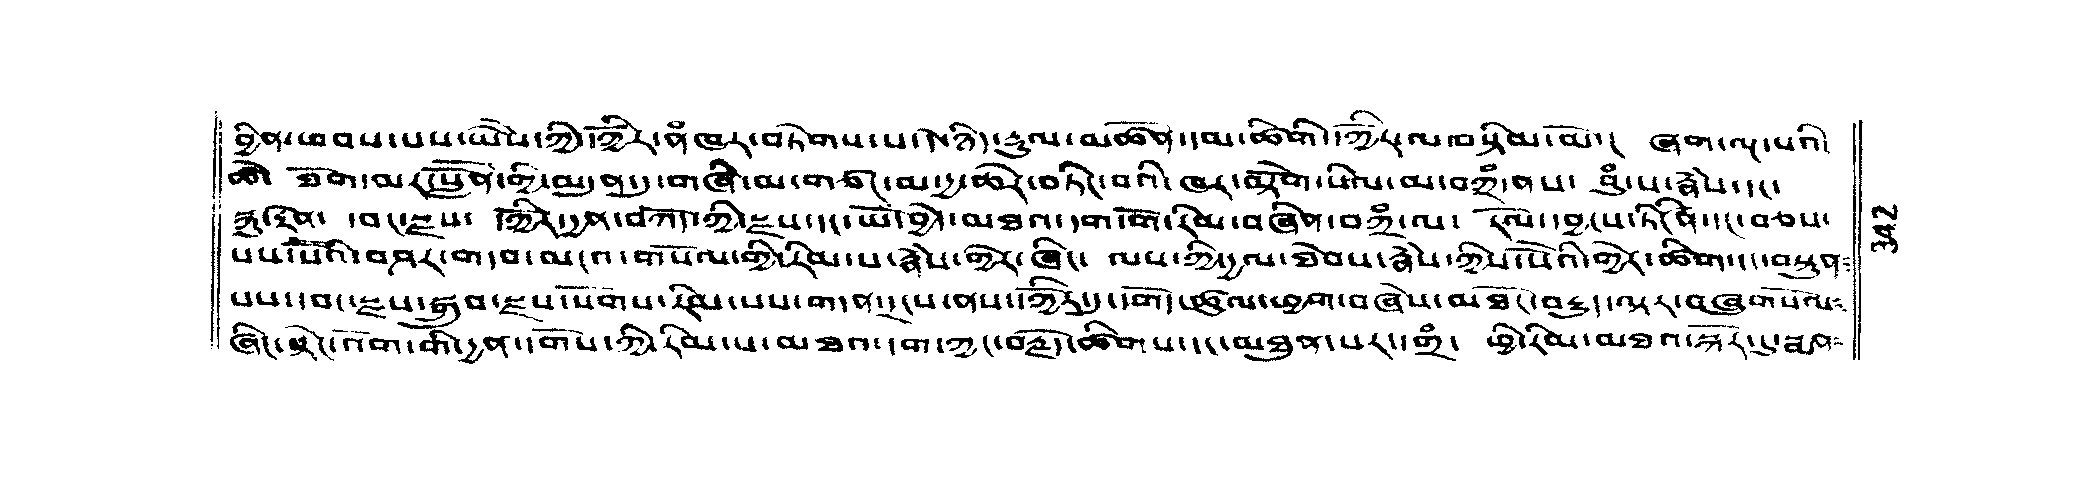བྱིན་ཕབས་པས་ཡེ་ཤེས་ཀྱི་དཀྱིལ་འཁོར་ནམ་མཁར་བཏེགས་པ་དེ་ཉིད་རྡུལ་ཚོན་དམ་ཚིག་གི་དཀྱིལ་འཁོར་ལ་བསྟིམ་མོ།ཞག་ལྔ་པའི་
ཚེ། ཐོག་མར་སློབ་དཔོན་གྱི་མདུན་དུ་གཞི་མ་གཙང་མ་རྒྱ་ཆེར་བཏིང་བའི་ཁར་མེ་ཏོག་བསིལ་མ་བཀྲམ་ནས། བུམ་པ་རྣམས་དང་
སྐུ་རྟེན། དབང་རྫས། དཀྱིལ་འཁོར་རྒྱན་བཀོད་ཀྱི་རྫས་དང་ཡོ་བྱད་མཐའ་དག་གོ་རིམ་བཞིན་བཀྲམ་ལ། རོལ་དབྱངས་ཏིང་འཛིན་དང་བཅས་
པས་སོ་སོའི་ཤར་གདབ་མངའ་གསོལ་གྱི་རིམ་པ་རྣམས་གྱེར་ཞིང་། ལས་ཀྱི་རྒྱལ་ཐེབས་རྣམས་ཀྱིས་སོ་སོའི་གྱེར་ཚིག་དང་བསྟུན་
པས་དབང་རྫས་སྒྲུབ་རྫས་སོགས་རིམ་པས་གདན་དྲངས་ནས་དཀྱིལ་འཁོར་དུ་དགོད་ཚུལ་ཕྱག་བཞེས་མཐོང་བརྒྱུད་ལྟར་བཞུགས་གསོལ་
ཞིང་སྟེང་འོག་གི་རྒྱན་དགོས་ཀྱི་རིམ་པ་མཐའ་དག་ཀྱང་བརྗོད་ཚིག་དང་མཐུན་པར་དགྲམ། ཕྱི་རིམ་མཐའ་སྐོར་དུ་སྨན་